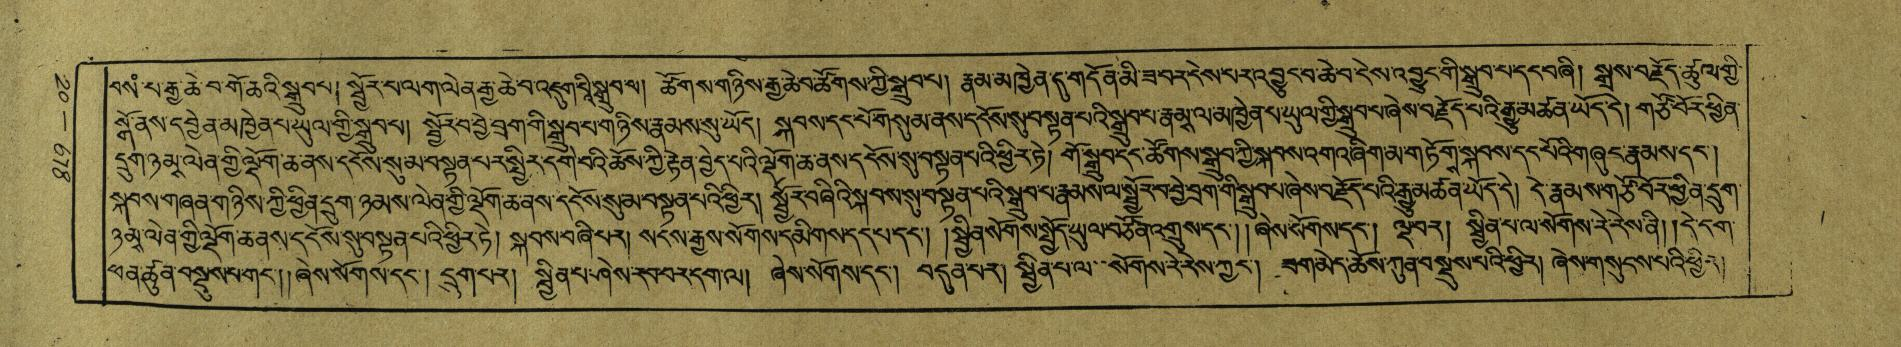བསཾ་པ་རྒྱ་ཆེ་བ་གོ་ཆའི་སྒྲུབ་པ། སྦྱོར་བ་ལག་ལེན་རྒྱ་ཆེ་བ་འཇུག་པའི་སྒྲུབ་ཕ། ཚོགས་གཉིས་རྒྱ་ཆེ་བ་ཚོགས་ཀྱི་སྒྲུབ་པ། རྣམ་མཁྱེན་དུ་གདོན་གདོན་མི་ཟ་བར་ངེས་པར་འབྱུང་བ་ཆེ་བ་ངེས་འབྱུང་གི་སྒྲུབ་པ་དང་བཞི། སྒྲས་བརྗོད་ཚུལ་གྱི་
སྒོ་ནས་དབྱེ་ན་མཁྱེན་པ་ཡུལ་གྱི་སྒྲུབ་པ། སྦྱོར་བ་བྱེད་བྲག་གི་སྒྲུབ་པ་གཉིས་རྣམས་སུ་ཡོད། སྐབས་དང་པོ་གསུམ་ནས་དངོས་སུ་བསྟན་པའི་སྒྲུབ་པ་རྣམས་ལ་མཁྱེན་པ་ཡུལ་གྱི་སྒྲུབ་པ་ཞེས་བརྗོད་པའི་རྒྱུ་མཚན་ཡོད་དེ། གཙོ་བོར་ཕྱིན་
དྲུག་ཉམས་ལེན་གྱི་ལྡོག་ཆ་ནས་དངོས་སུ་མ་བསྟན་པར་སྤྱིར་དགེ་བའི་ཆོས་ཀྱི་རྟེན་བྱེད་པའི་ལྡོག་ཆ་ནས་དངོས་སུ་བསྟན་པའི་ཕྱིར་ཏེ། གོ་སྒྲུབ་དང་ཚོགས་སྒྲུབ་ཀྱི་སྐབས་འགའ་ཞིག་མ་གཏོགས་སྐབས་དང་པོའི་གཞུང་རྣམས་དང་།
སྐབས་གཞན་གཉིས་ཀྱི་ཕྱིན་དྲུག་ཉམས་ལེན་གྱི་ལྡོག་ཆ་ནས་དངོས་སུ་མ་བསྟན་པའི་ཕྱིར། སྤྱོར་བཞིའི་སྐབས་སུ་བསྟན་པའི་སྒྲུབ་པ་རྣམས་ལ་སྦྱོར་བ་བྱེ་བྲག་གི་སྒྲུབ་པ་ཞེས་བརྗོད་པའི་རྒྱུ་མཚན་ཡོད་དེ། དེ་རྣམས་གཙོ་བོར་ཕྱིན་དྲུག་
ཉམས་ལེན་གྱི་ལྡོག་ཆ་ནས་དངོས་སུ་བསྟན་པའི་ཕྱིར་ཏེ། སྐབས་བཞི་པར། སངས་རྒྱས་སོགས་དམིགས་དད་པ་དང་། །སྦྱིན་སོགས་སྤྱོད་ཡུལ་བཙོན་འགྲུས་དང་། །ཞེས་སོགས་དང་། ལྔ་བར། སྦྱིན་པ་ལ་སོགས་རེ་རེས་ནི། །དེ་དག་
ཕན་ཚུན་བསྡུས་པ་གང་། །ཞེས་སོགས་དང་། དྲུག་པར། སྦྱིན་པ་ཤེས་རབ་བར་དག་ལ། ཞེས་སོགས་དང་། བདུན་པར། སྦྱིན་པ་ལ་སོགས་རེ་རེས་ཀྱང་། ཟག་མེད་ཆོས་ཀུན་བསྡུས་པའི་ཕྱིར། ཞེས་གསུངས་པའི་ཕྱིར།